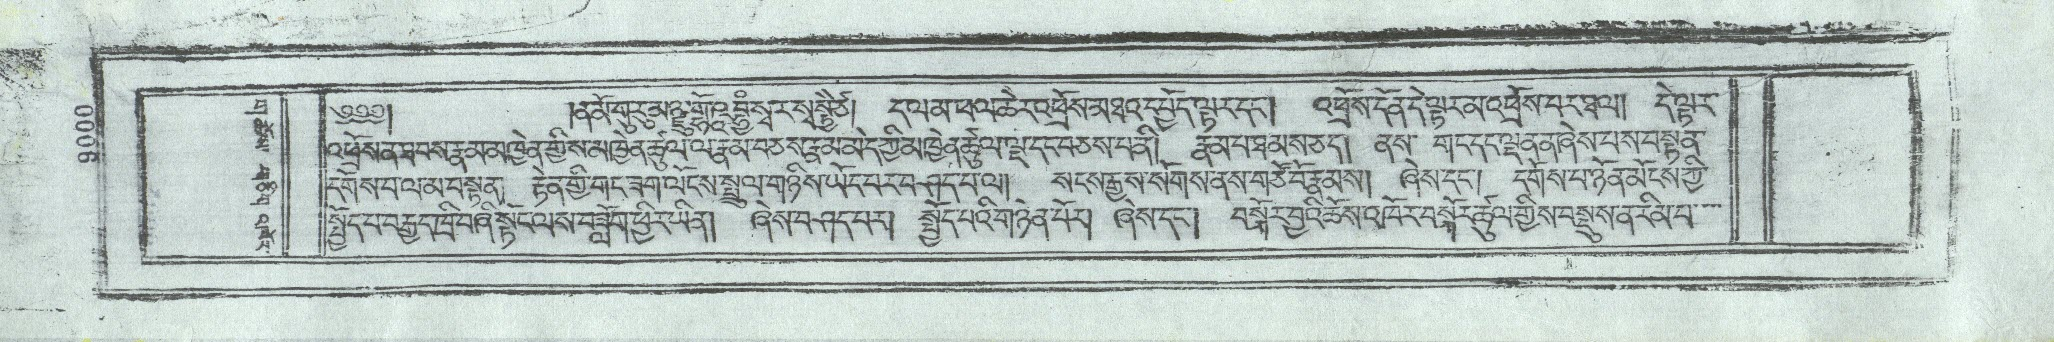༄༅༅། །ན་མོ་གུ་རུ་མཉྫུ་གྷོ་ཥཱ་བྷྱཾ་སྭ་ར་སྭསྟྱཻ་ཙ། ད་ལམ་ཕལ་ཆེར་འཕྲོས་མཐའ་དཔྱོད་ལྟར་དང་། འཕྲོས་དོན་དེ་ལྟར་མ་འཕྲོས་པར་ཐལ། དེ་ལྟར་
འཕྲོས་ན་ཐབས་རྣམ་མཁྱེན་གྱིས་མཁྱེན་ཚུལ་ལ་རྣམ་བཅས་རྣམ་མེད་ཀྱི་མཁྱེན་ཚུལ་ལྔ་དང་བཅས་པ་ནི། རྣམ་པ་ཐམས་ཅད། ནས་གང་དང་ལྡན་ན་ཞེས་པས་བསྟན་
དགོས་པ་ལ་མ་བསྟན། རྟེན་གྱི་གང་ཟག་ལོངས་སྤྲུལ་གཉིས་ཡོད་པར་བཤད་པ་ལ། སངས་རྒྱས་སོགས་ནས་གཙོ་བོ་རྣམས། ཞེས་དང་། དགོས་པ་ཉོན་མོངས་ཀྱི་
སྤྱོད་པ་བརྒྱད་ཁྲི་བཞི་སྟོང་ལས་བཟློག་ཕྱིར་ཡིན། ཞེས་བཤད་པར། སྤྱོད་པའི་གཉེན་པོར། ཞེས་དང་། བསྐོར་བྱའི་ཆོས་འཁོར་བསྐོར་ཚུལ་གྱིས་བསྡུས་ན་རིམ་པ་